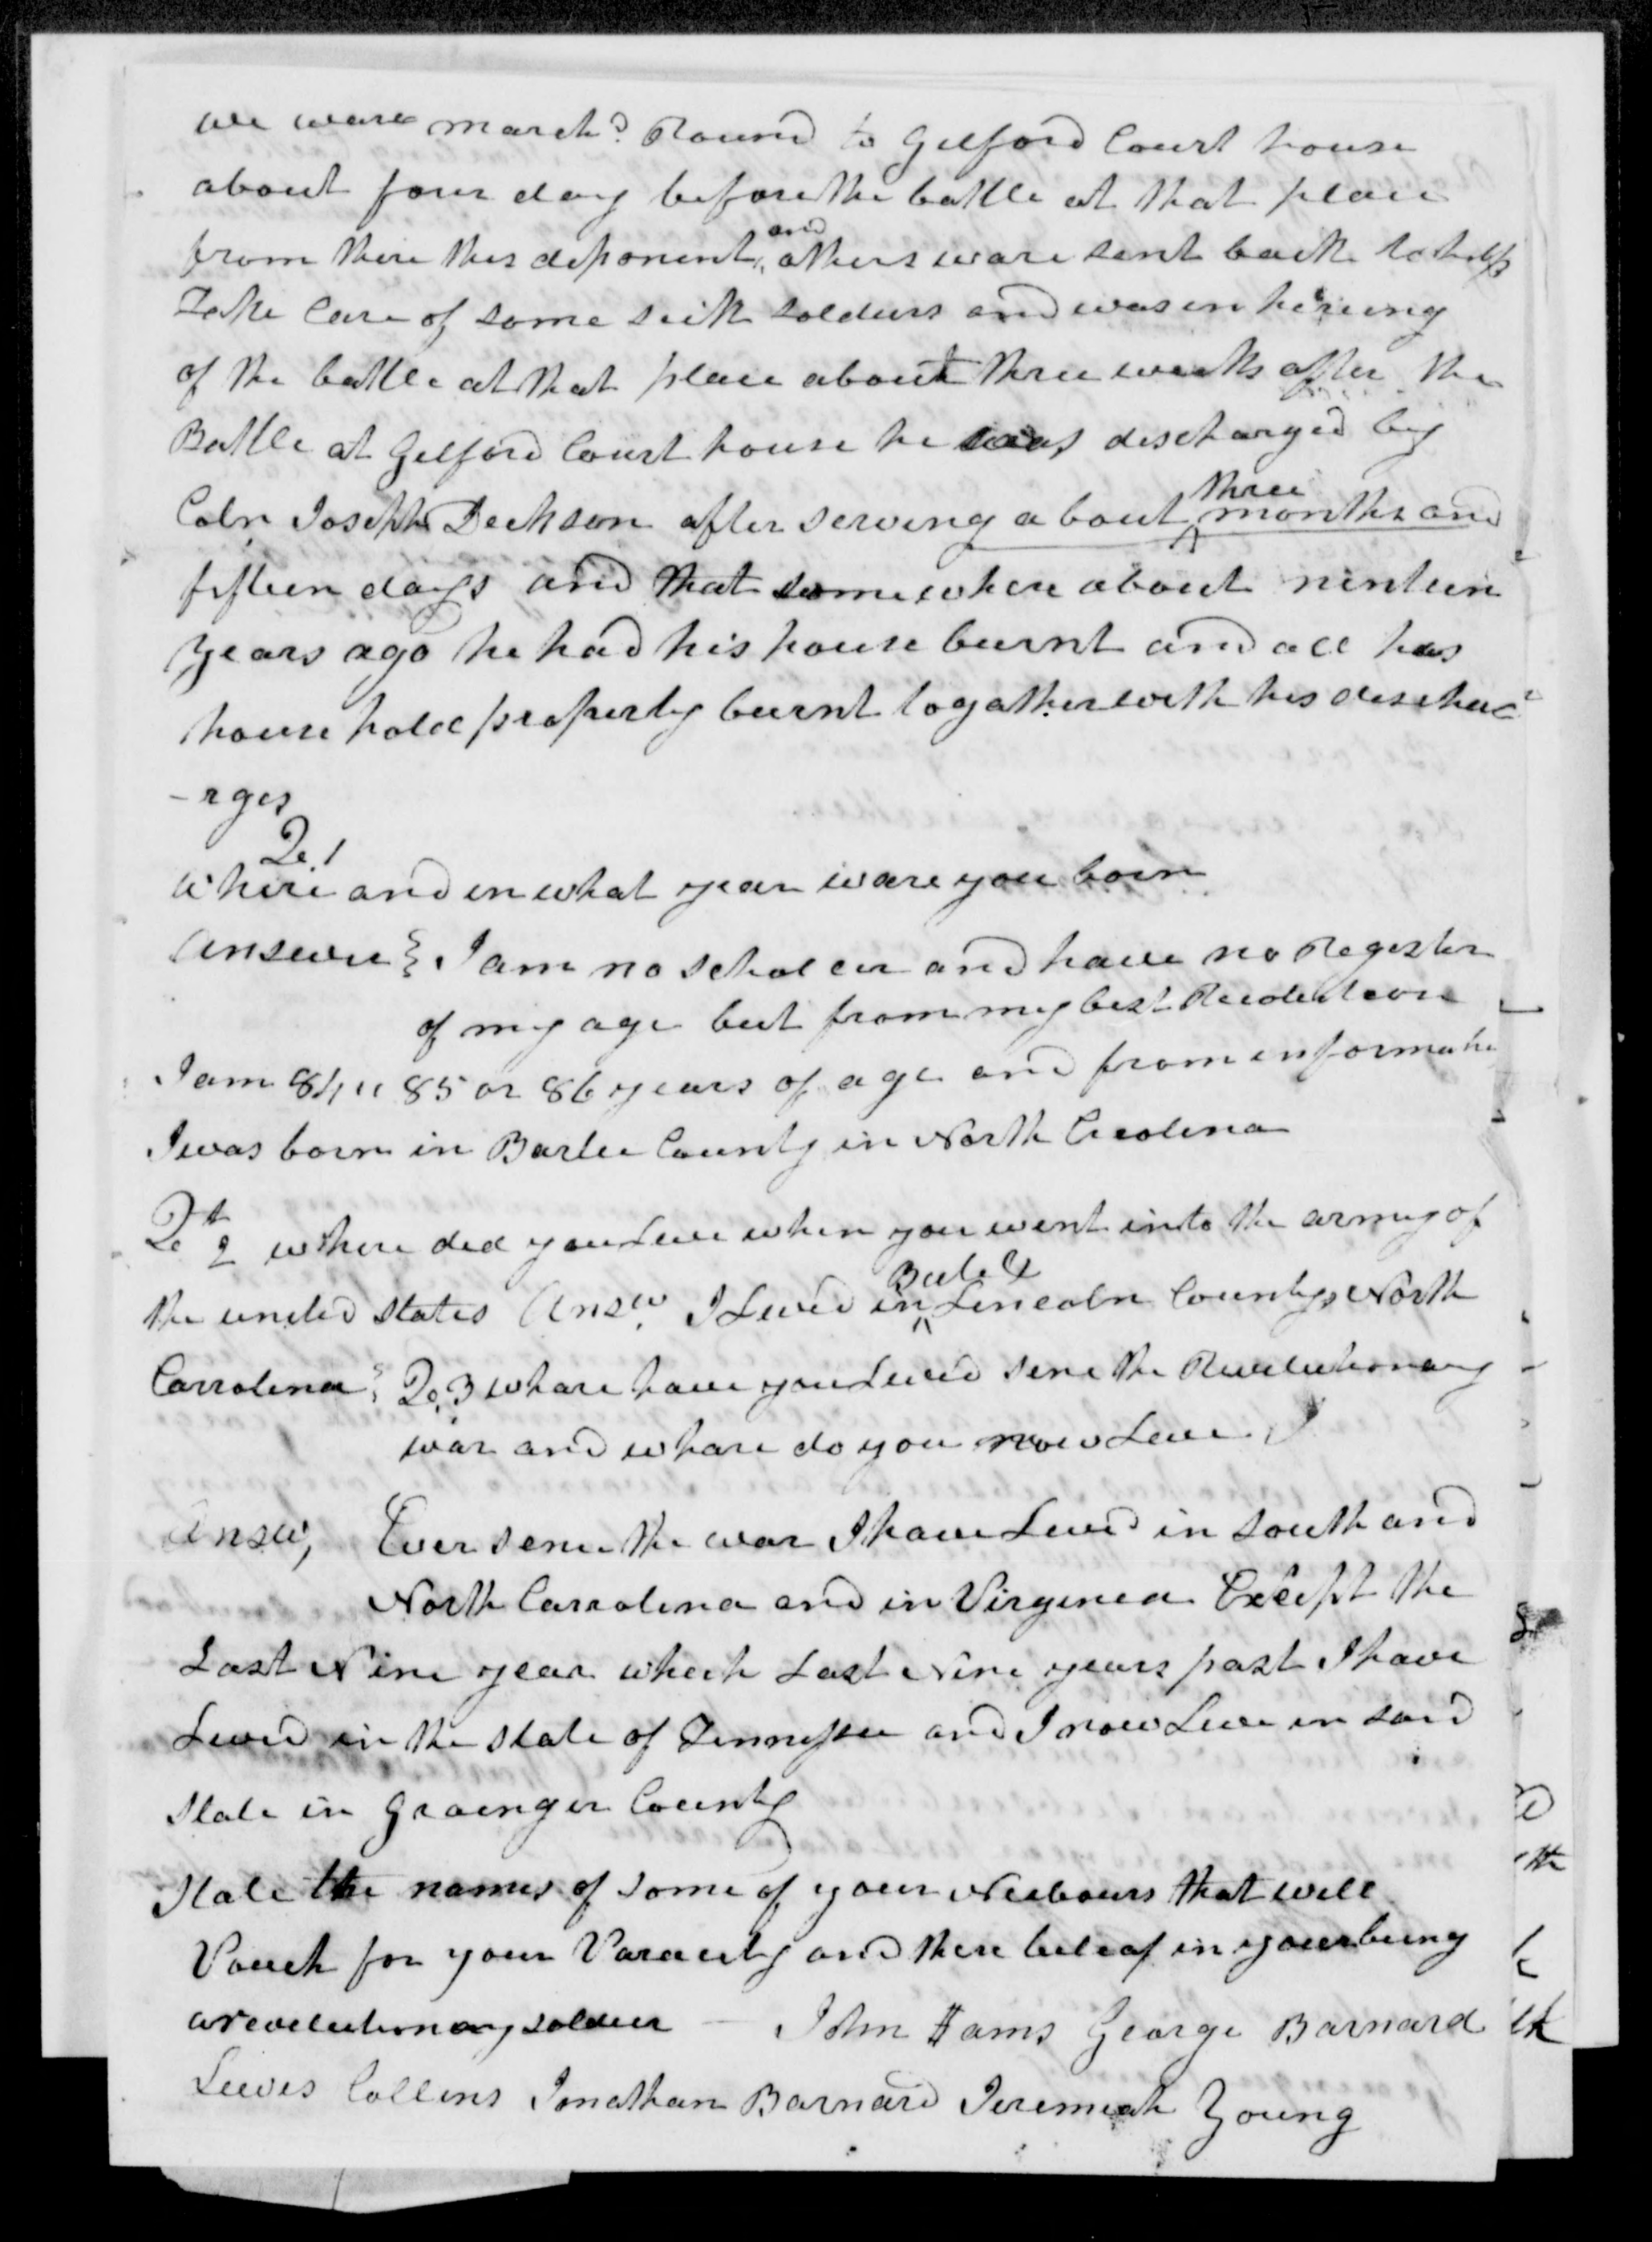we were marched bound to Gilford Court house about four day before the battle at that place - from there this deponent and others were sent back to help take care of some sick soldiers and was in hearing of the battle at that place - about three weeks after the Battle at Gilford Court house he was discharged by Col Joseph Dickson after serving about three  month ands fifteen days and that somewhere about nineteen years ago he had his house burnt and all has household property burnt together with his discharges
2. where and in what year were you born
Answer I am no scholar and have no Register
of my age but from my best recollection
I am 84, 85 or 86 years of age and from information I was born in Burke County in North Carolina
2. where did you live when you went into the army of the United States Answer: I lived in Burke Lincoln County North Carolina
3, where have you lived since the Revolutionary war and where do you now live
Answer: Ever since the war I have lived in South and North Carolina and in Virginia Except the last last Nine years past I have
lived in the State of Tennessee and I now live in said State in Grainger County
State then of some of your neighbors that will
Vouch for your veracity and their belief in your being revolutionary soldier John James George Barnard Lewis Collins Jonathan Barnard Jeremiah Young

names: Jonathan Barnard, George Barnard, John Hams, Jeremiah Young, Joseph Dickson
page: 5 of 14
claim: rejected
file: R. 11,338, George West, N.C.